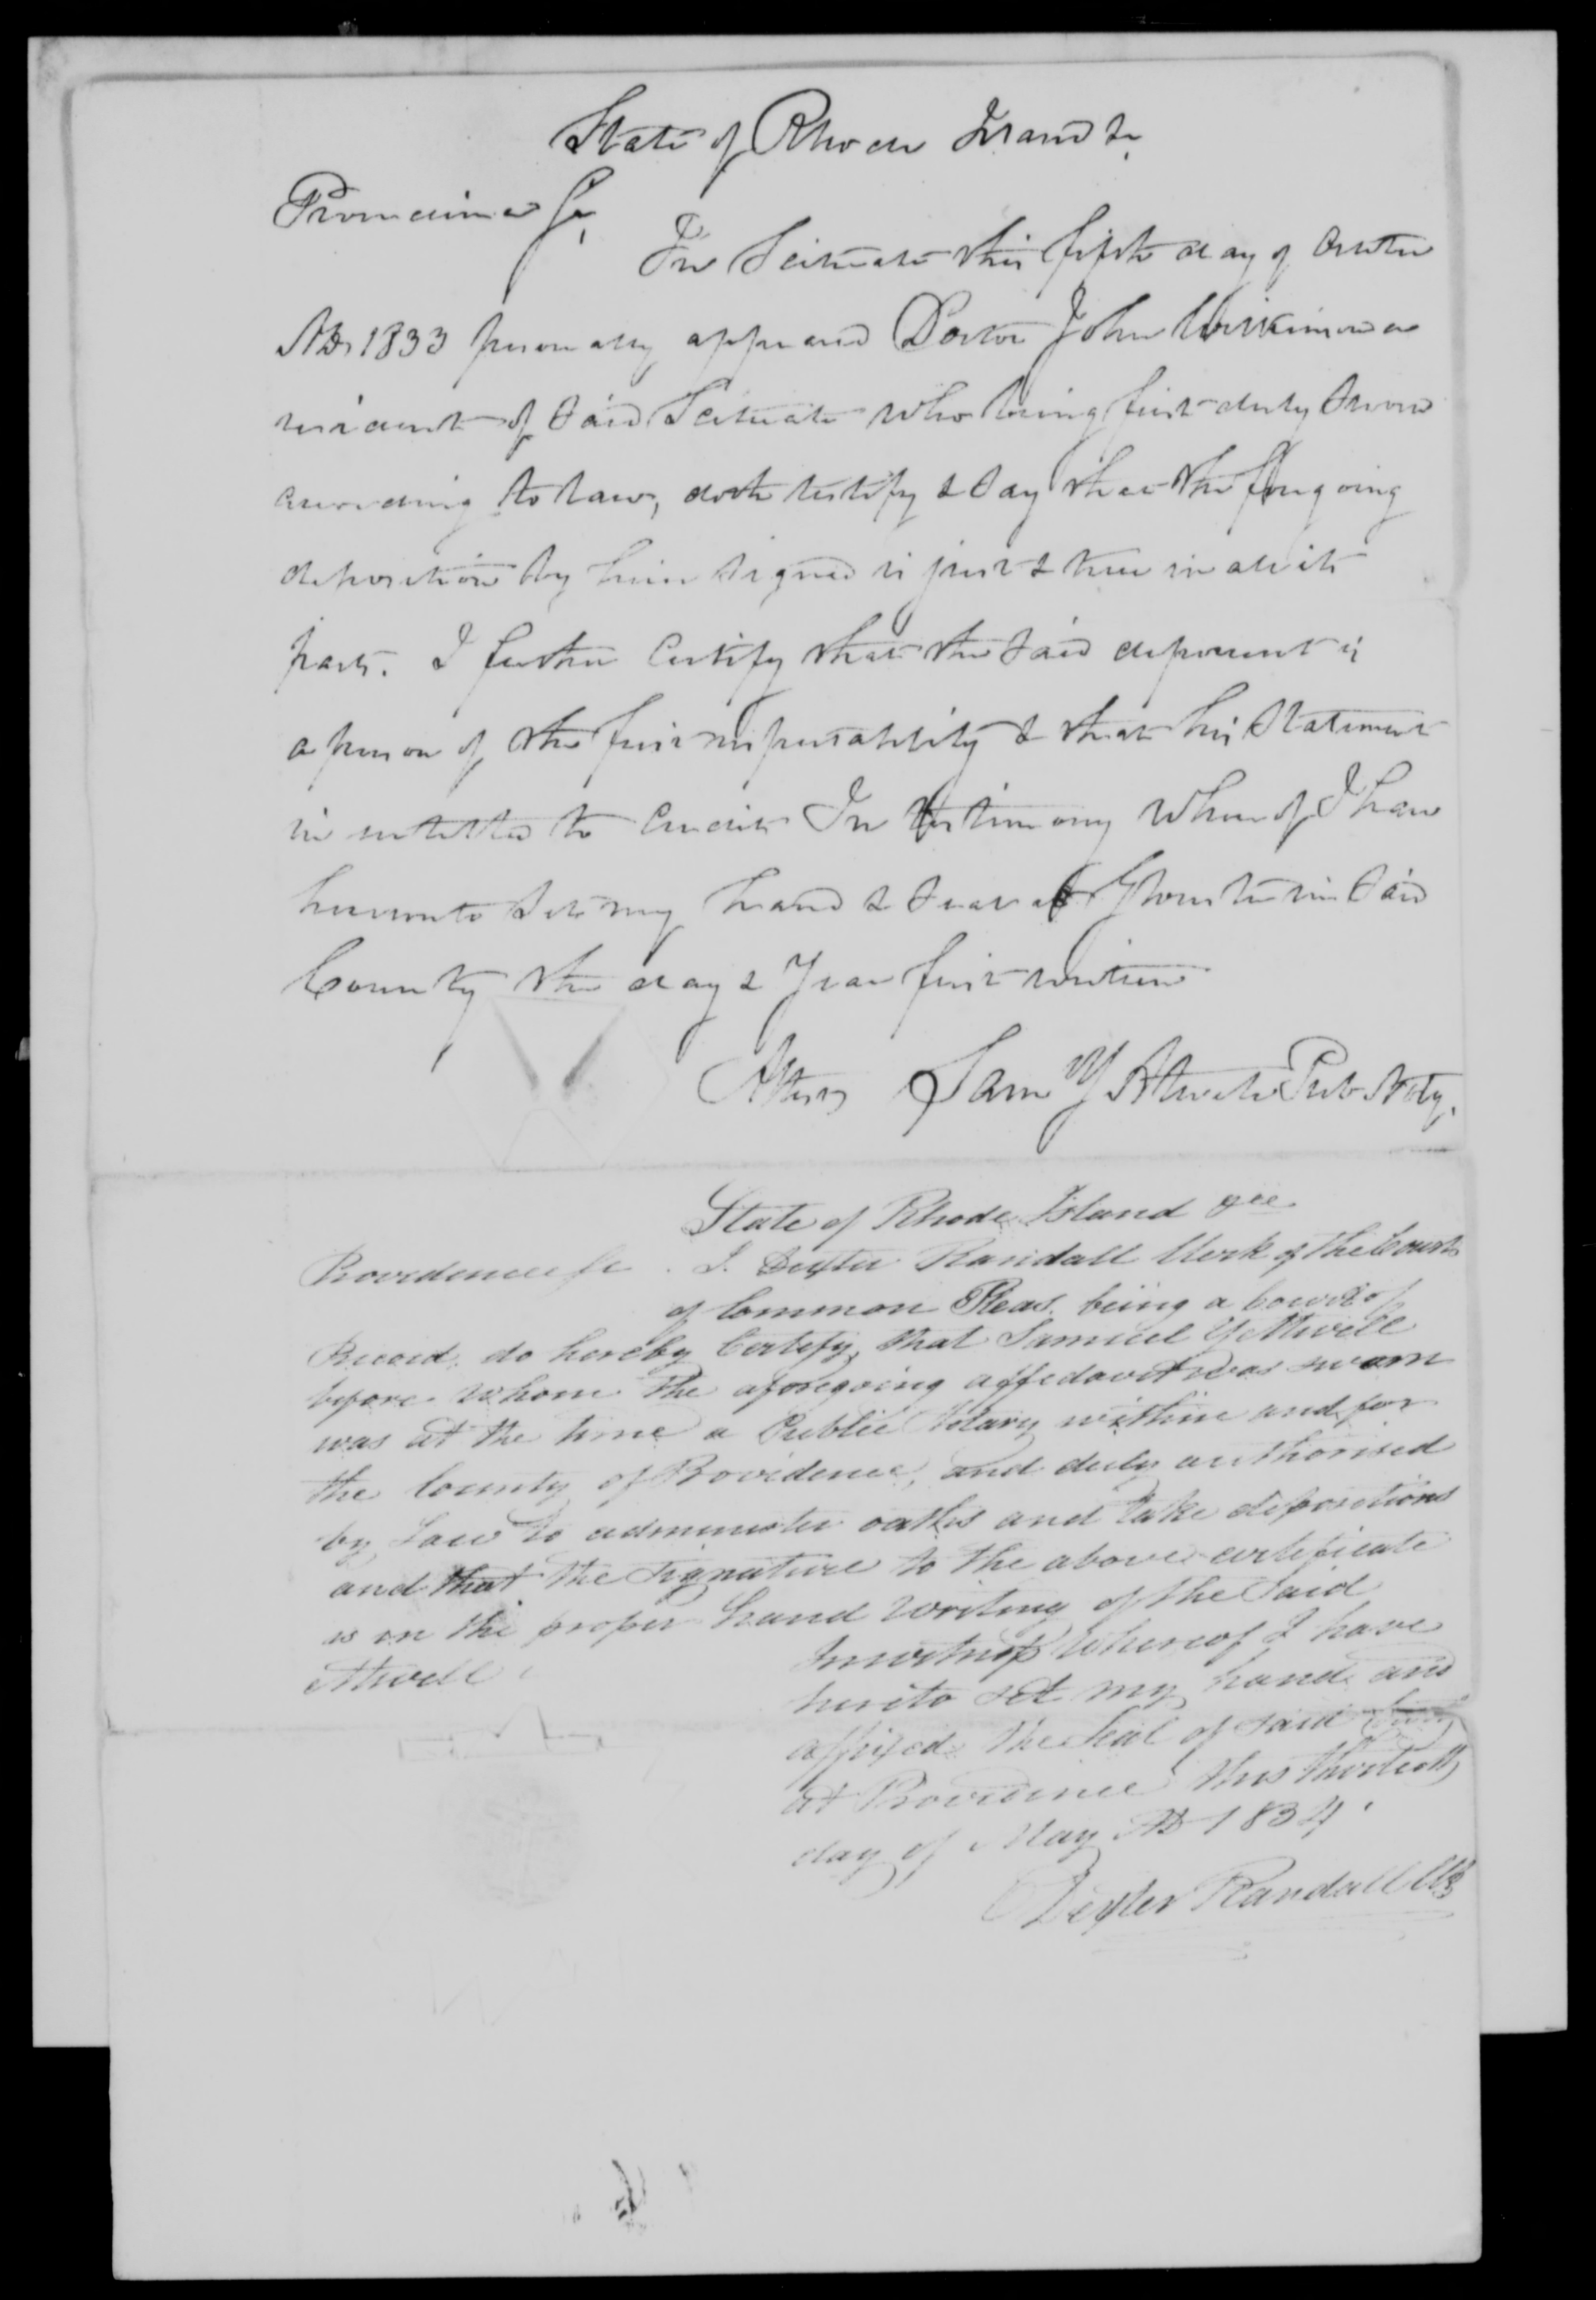State of Rhode Island
Providence
In Scituate this fifth day of October
AD 1833 personally appeared Doctor John Wilkinson a resident of said Scituate who being first duly sworn according to law, doth testify & say that the foregoing deposition by him signed is just & true in all its parts. I further certify that the said deponent is
a person of the (illegible) impartiality & that his statement in entitled to credit. In testimony whereof I have
hereunto set my hand & seal of Glouster in said County the day & year first written
Atty Sam Y. Atwell Pub Noty.

State of Rhode Island (Illegible)
I Dexter Randall Clerk of the court of
Common Pleas, being a Court
Record do hereby certify, that Samuel Y. Atwell
before whom the aforegoing affidavit was sworn was at the time a Public Notary within and for the County of Providence, and duly authorised by law to administer oaths and take depositions and that the signature to the above certificate is on the proper hand writing of the said Atwell.

In witness whereof I have
hereto set my hand and
affixed the Seal of said county
at Providence this thirteenth
day of May AD 1834.
Dexter Randall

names: Saml Y Atwell, John Wilkinson, Samuel Y Atwell, Dexter Randall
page: 18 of 23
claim: survivor's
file: S. 21576, Squire Williams, R. I.